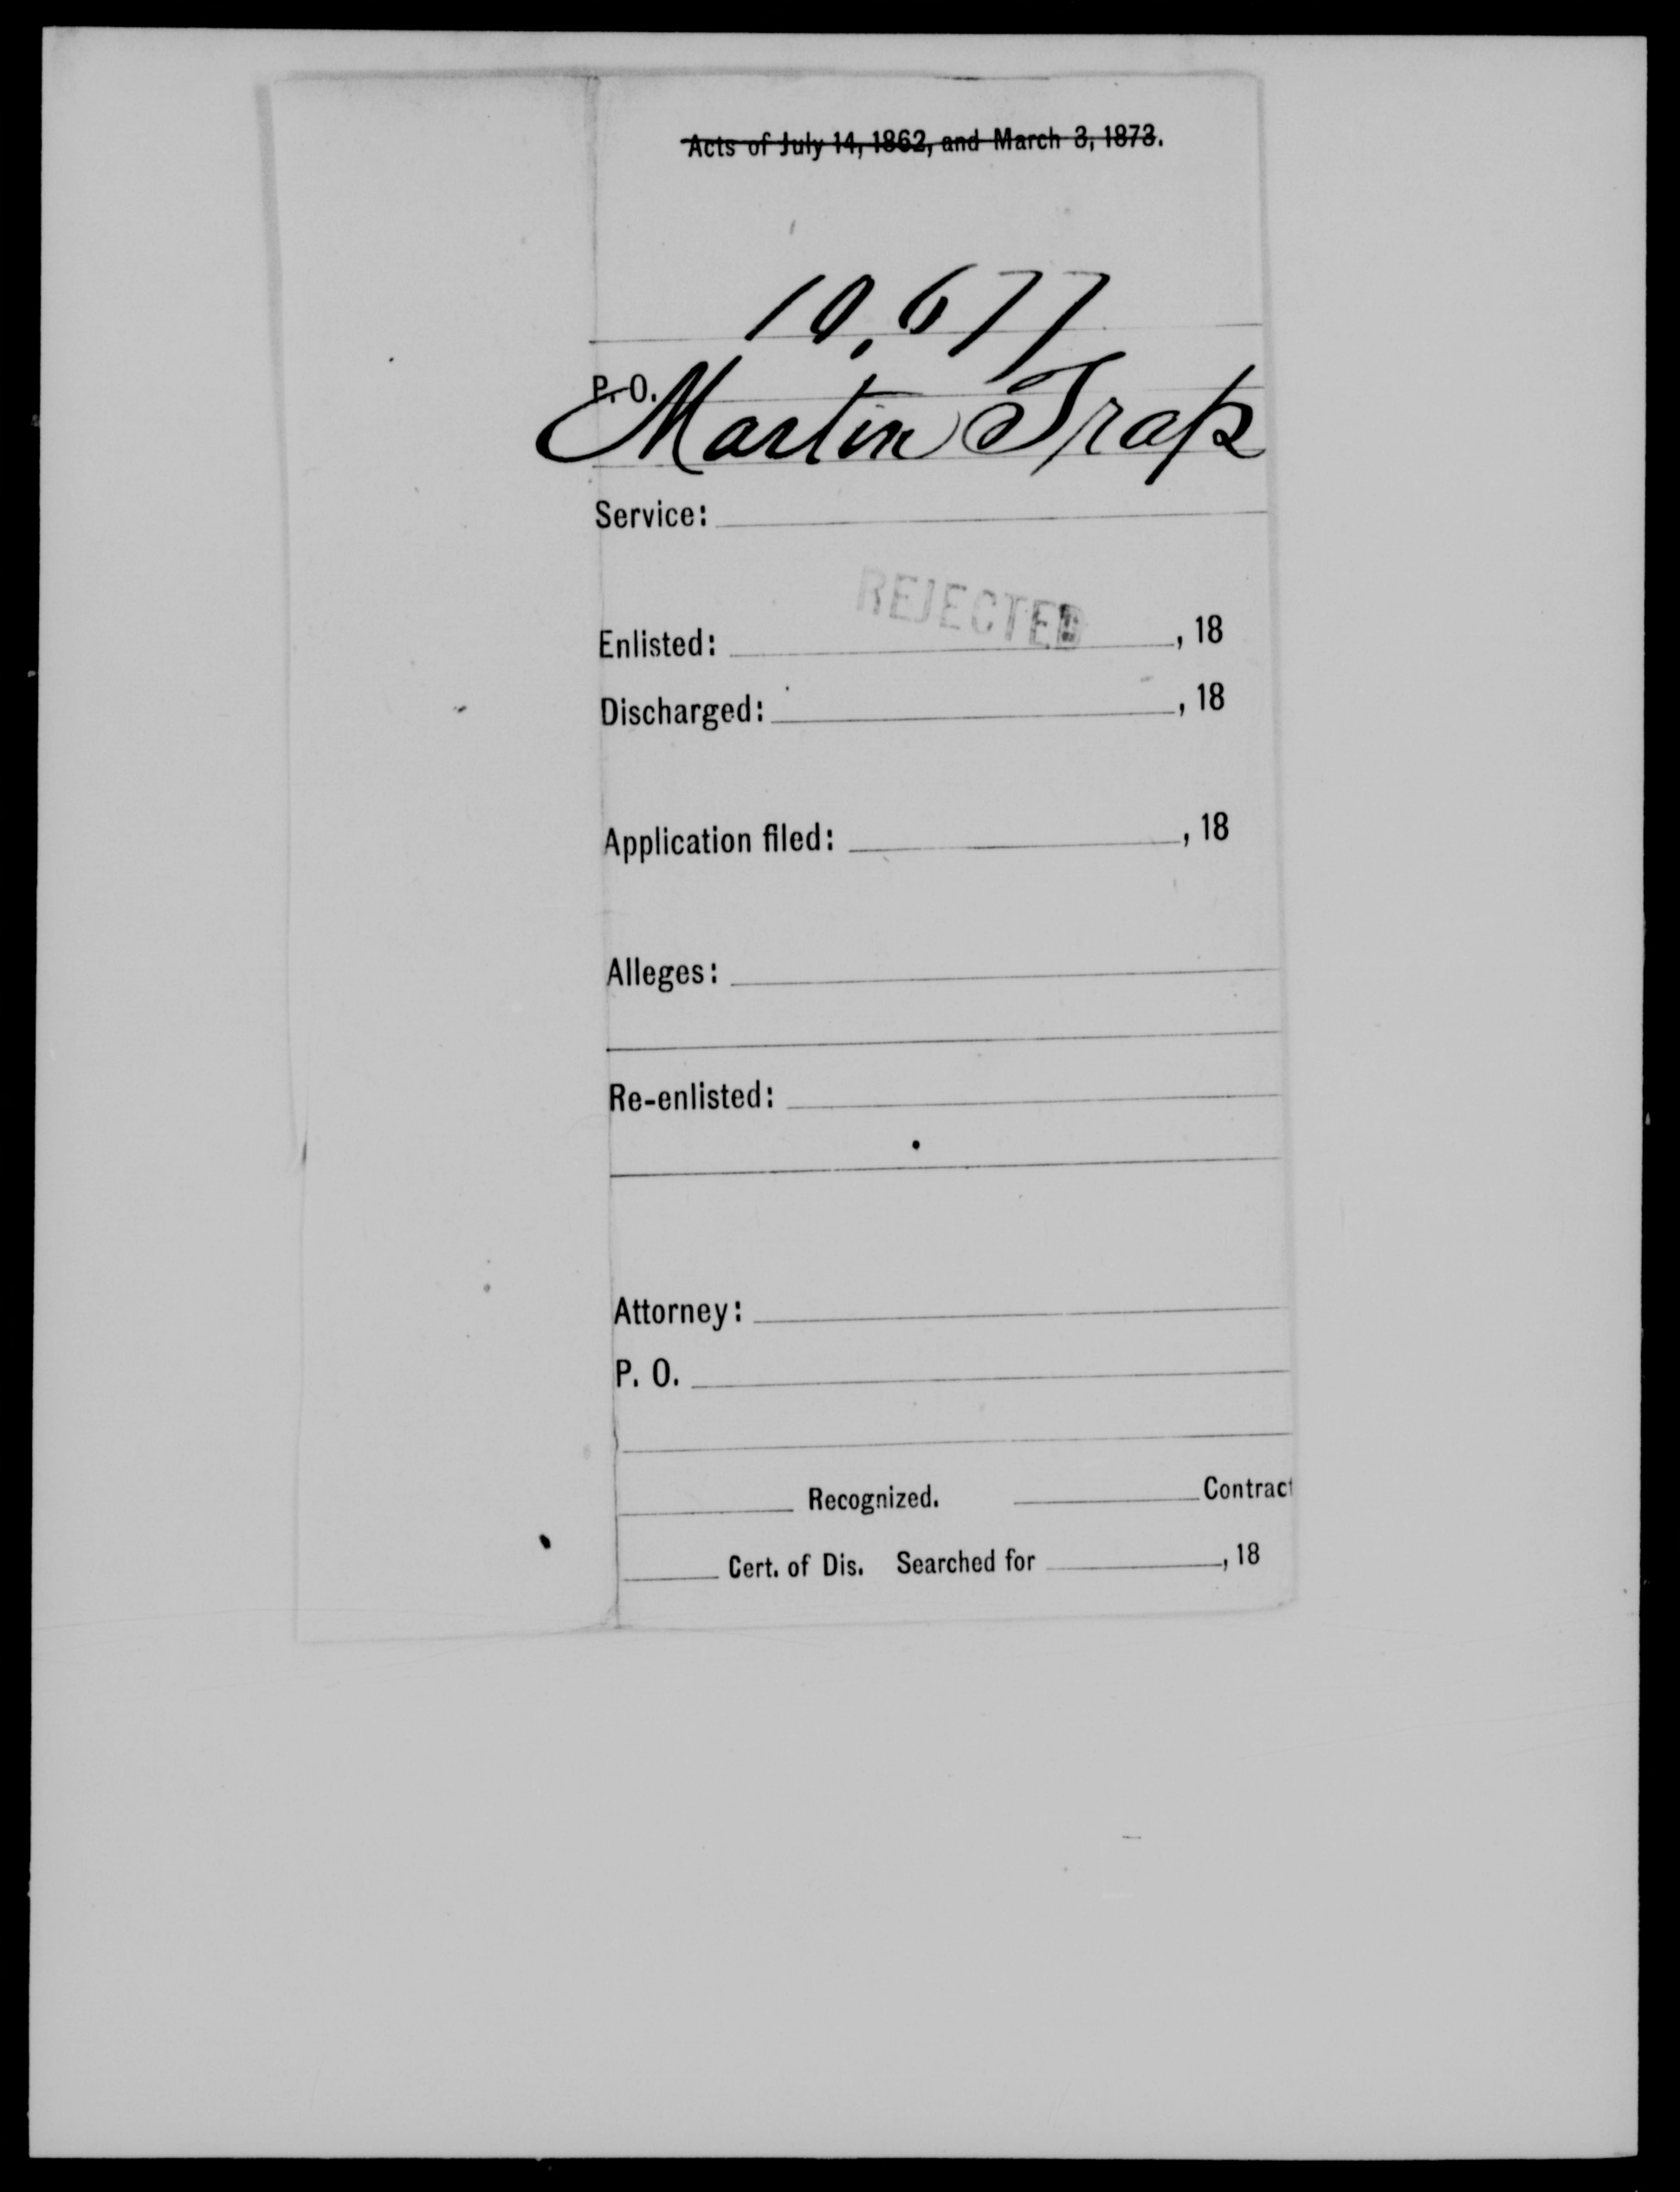[form completed with handwritten responses]

[Crossed out: Acts of July 14, 1862, and March 3rd, 1873. ]
10,677
P.O. 
Martin Trap
Service: ___
Enlisted: Rejected. 18__
Discharged: ___, 18__
Application filed: ___, 18__
Alleges: ___
Re-enlisted: ___
Attorney: ___
P.O. ___
___ Recognized. ___ Contract
___ Cert. of Dis. Searched for ___, 18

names: Martin Trap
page: 3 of 8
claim: rejected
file: R. 10677, Martin Trap, Va.